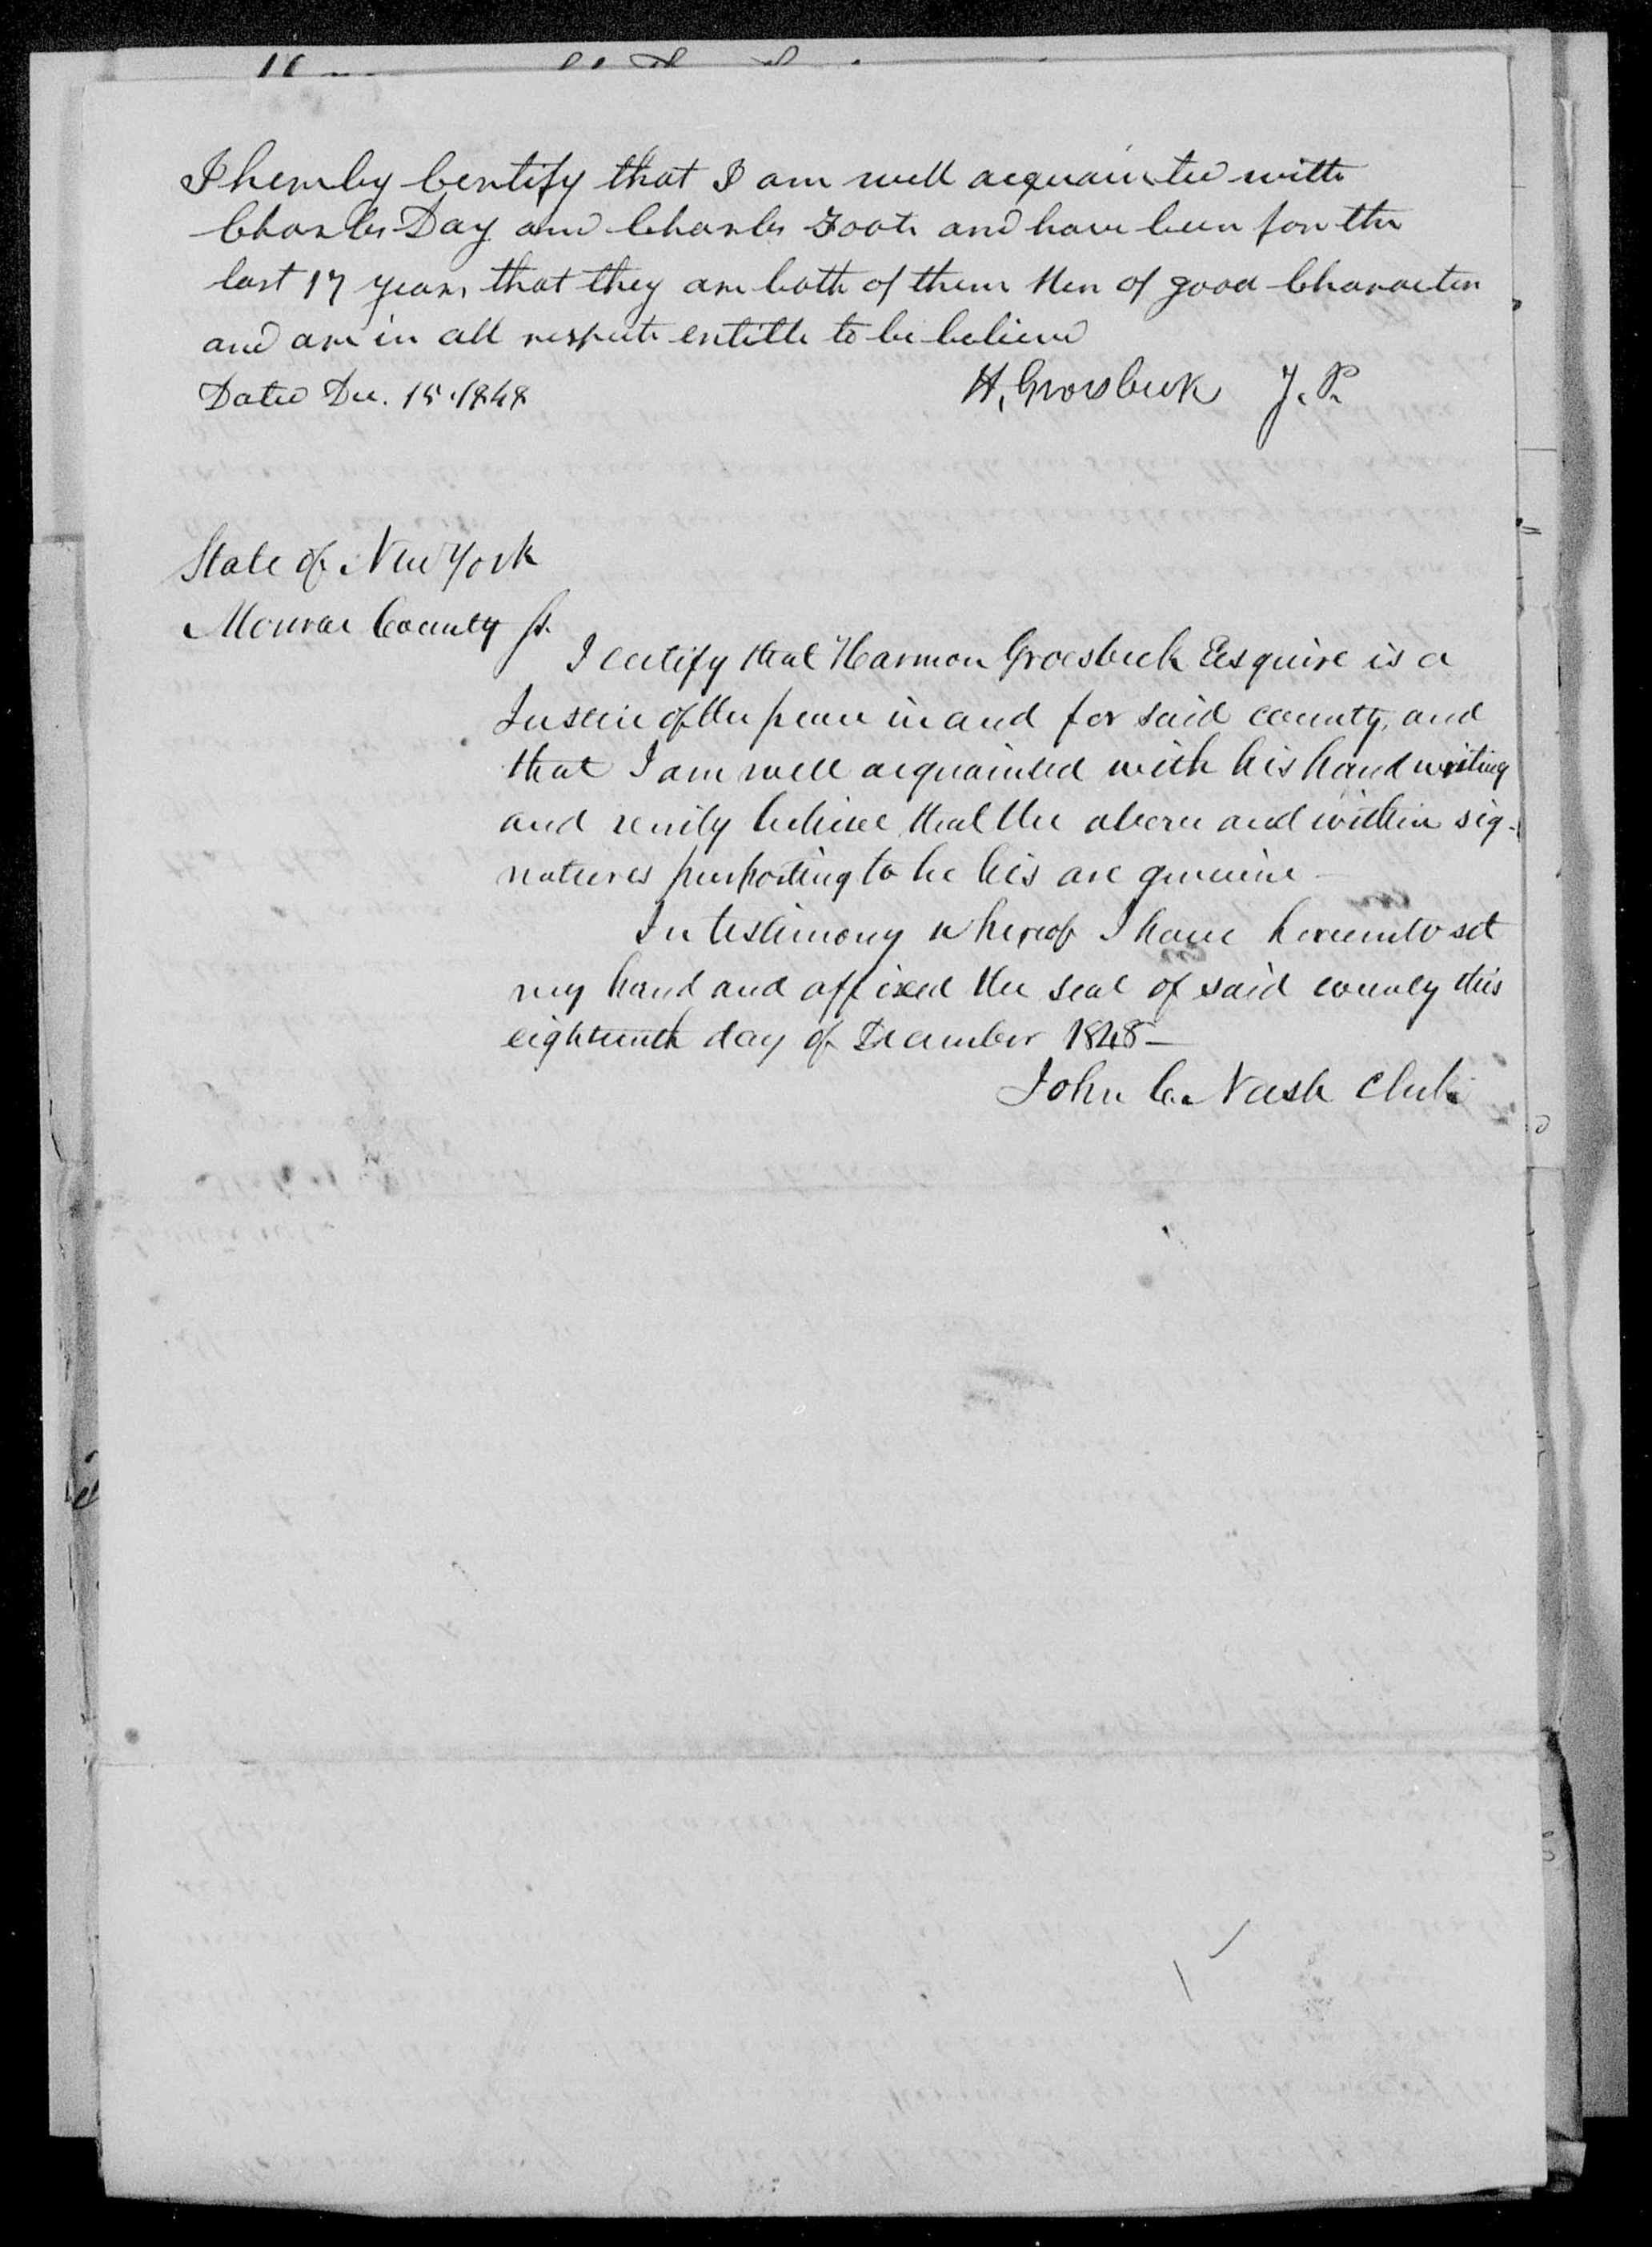I hereby certify that I am well acquainted with Charles Day and Charles Foote and have been for the last 17 years that they are both of them men of good character and are in all respects entitled to be believed. 
Dated Dec. 15. 1848            H. Groesbeck J. P. 
State of New York 
Monroe County ss. I certify that Herman Groesbeck Esquire is a Justice of the peace in and for said County, and that I am well acquainted with his hand writing and verily believe that the above and within signatures purporting to be his are genuine. 
In testimony whereof I have hereunto set my hand and affixed the seal of said county this eighteenth day of December 1848 – 
John C. Nash Clk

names: Charles Day; Harmon Groesbeck; John C Nash; Charles Foote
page: 58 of 73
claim: widow's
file: W. 2338, for Joseph P Peters, Connecticut